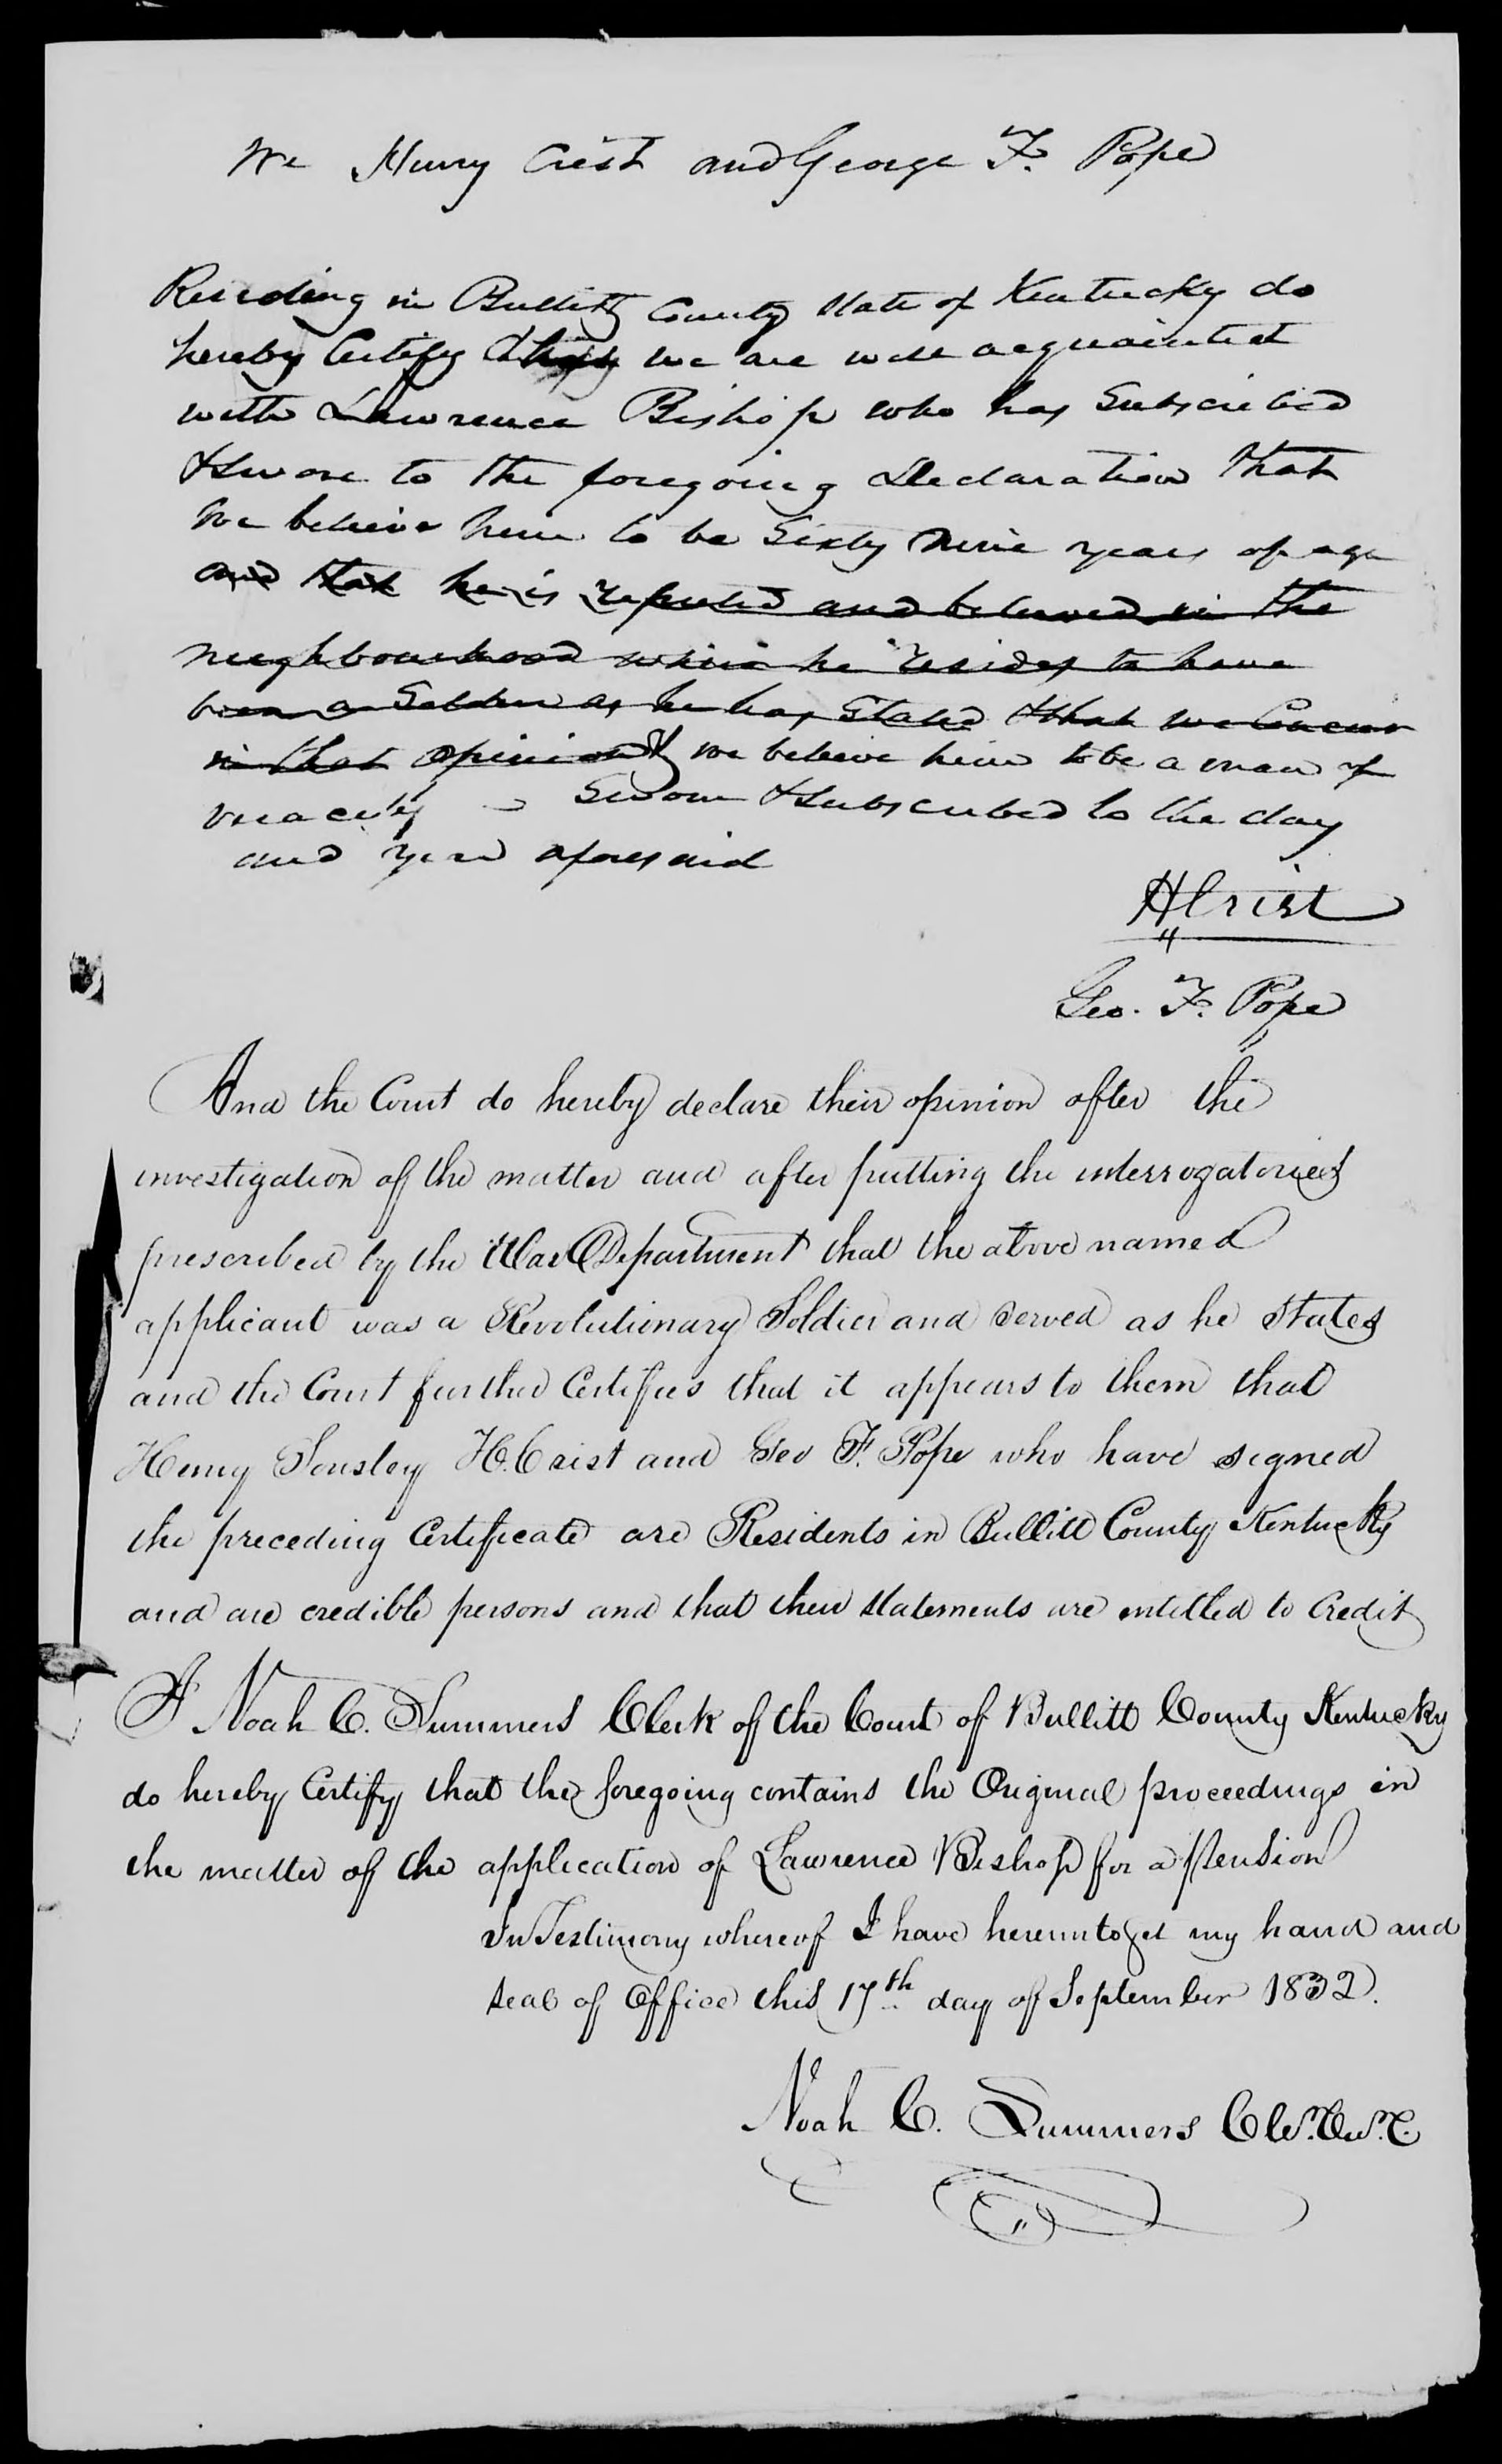We Henry Crist and George F. Pope Residing in Bullitt County State of Kentucky do hereby Certify that we are well acquainted with Lawrence Bishop who has subscribed & swore to the foregoing Declaration That we believe him to be Sixty nine years of age and we believe him to be a man of Veracity --- 
Sworn & subscribed to the day and year aforesaid 
H Crist
Geo F. Pope
And the Court do hereby declare their opinion after the investigation of the matter and after putting the interrogatories prescribed by the War Department that the above named applicant was a Revolutionary Soldier and served as he states and the Court further certifies that it appears to them that Henry Sousley, H. Crist and Geo F. Pope who have signed the preceding certificate are residents in Bullitt County Kentucky and are credible persons and that their statements are entitled to credit 
I Noah C. Summers Clerk of the Court of Bullitt County Kentucky do hereby certify that the foregoing contains the Original proceedings in the matter of the application of Lawrence Bishop for a pension 
In Testimony whereof I have hereunto set my hand and Seal of Office this 17th day of September 1832. 
Noah C. Summers CBCC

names: H Crist, George F Pope, Henry Sousley, Geo F Pope, Noah C Summers, Noah C Summers, Lawrence Bishop, Geo F Pope, Henry Crist, H Crist, Lawrence Bishop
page: 7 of 26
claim: survivor's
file: S.1,166, Lawrence Bishop, Penn.